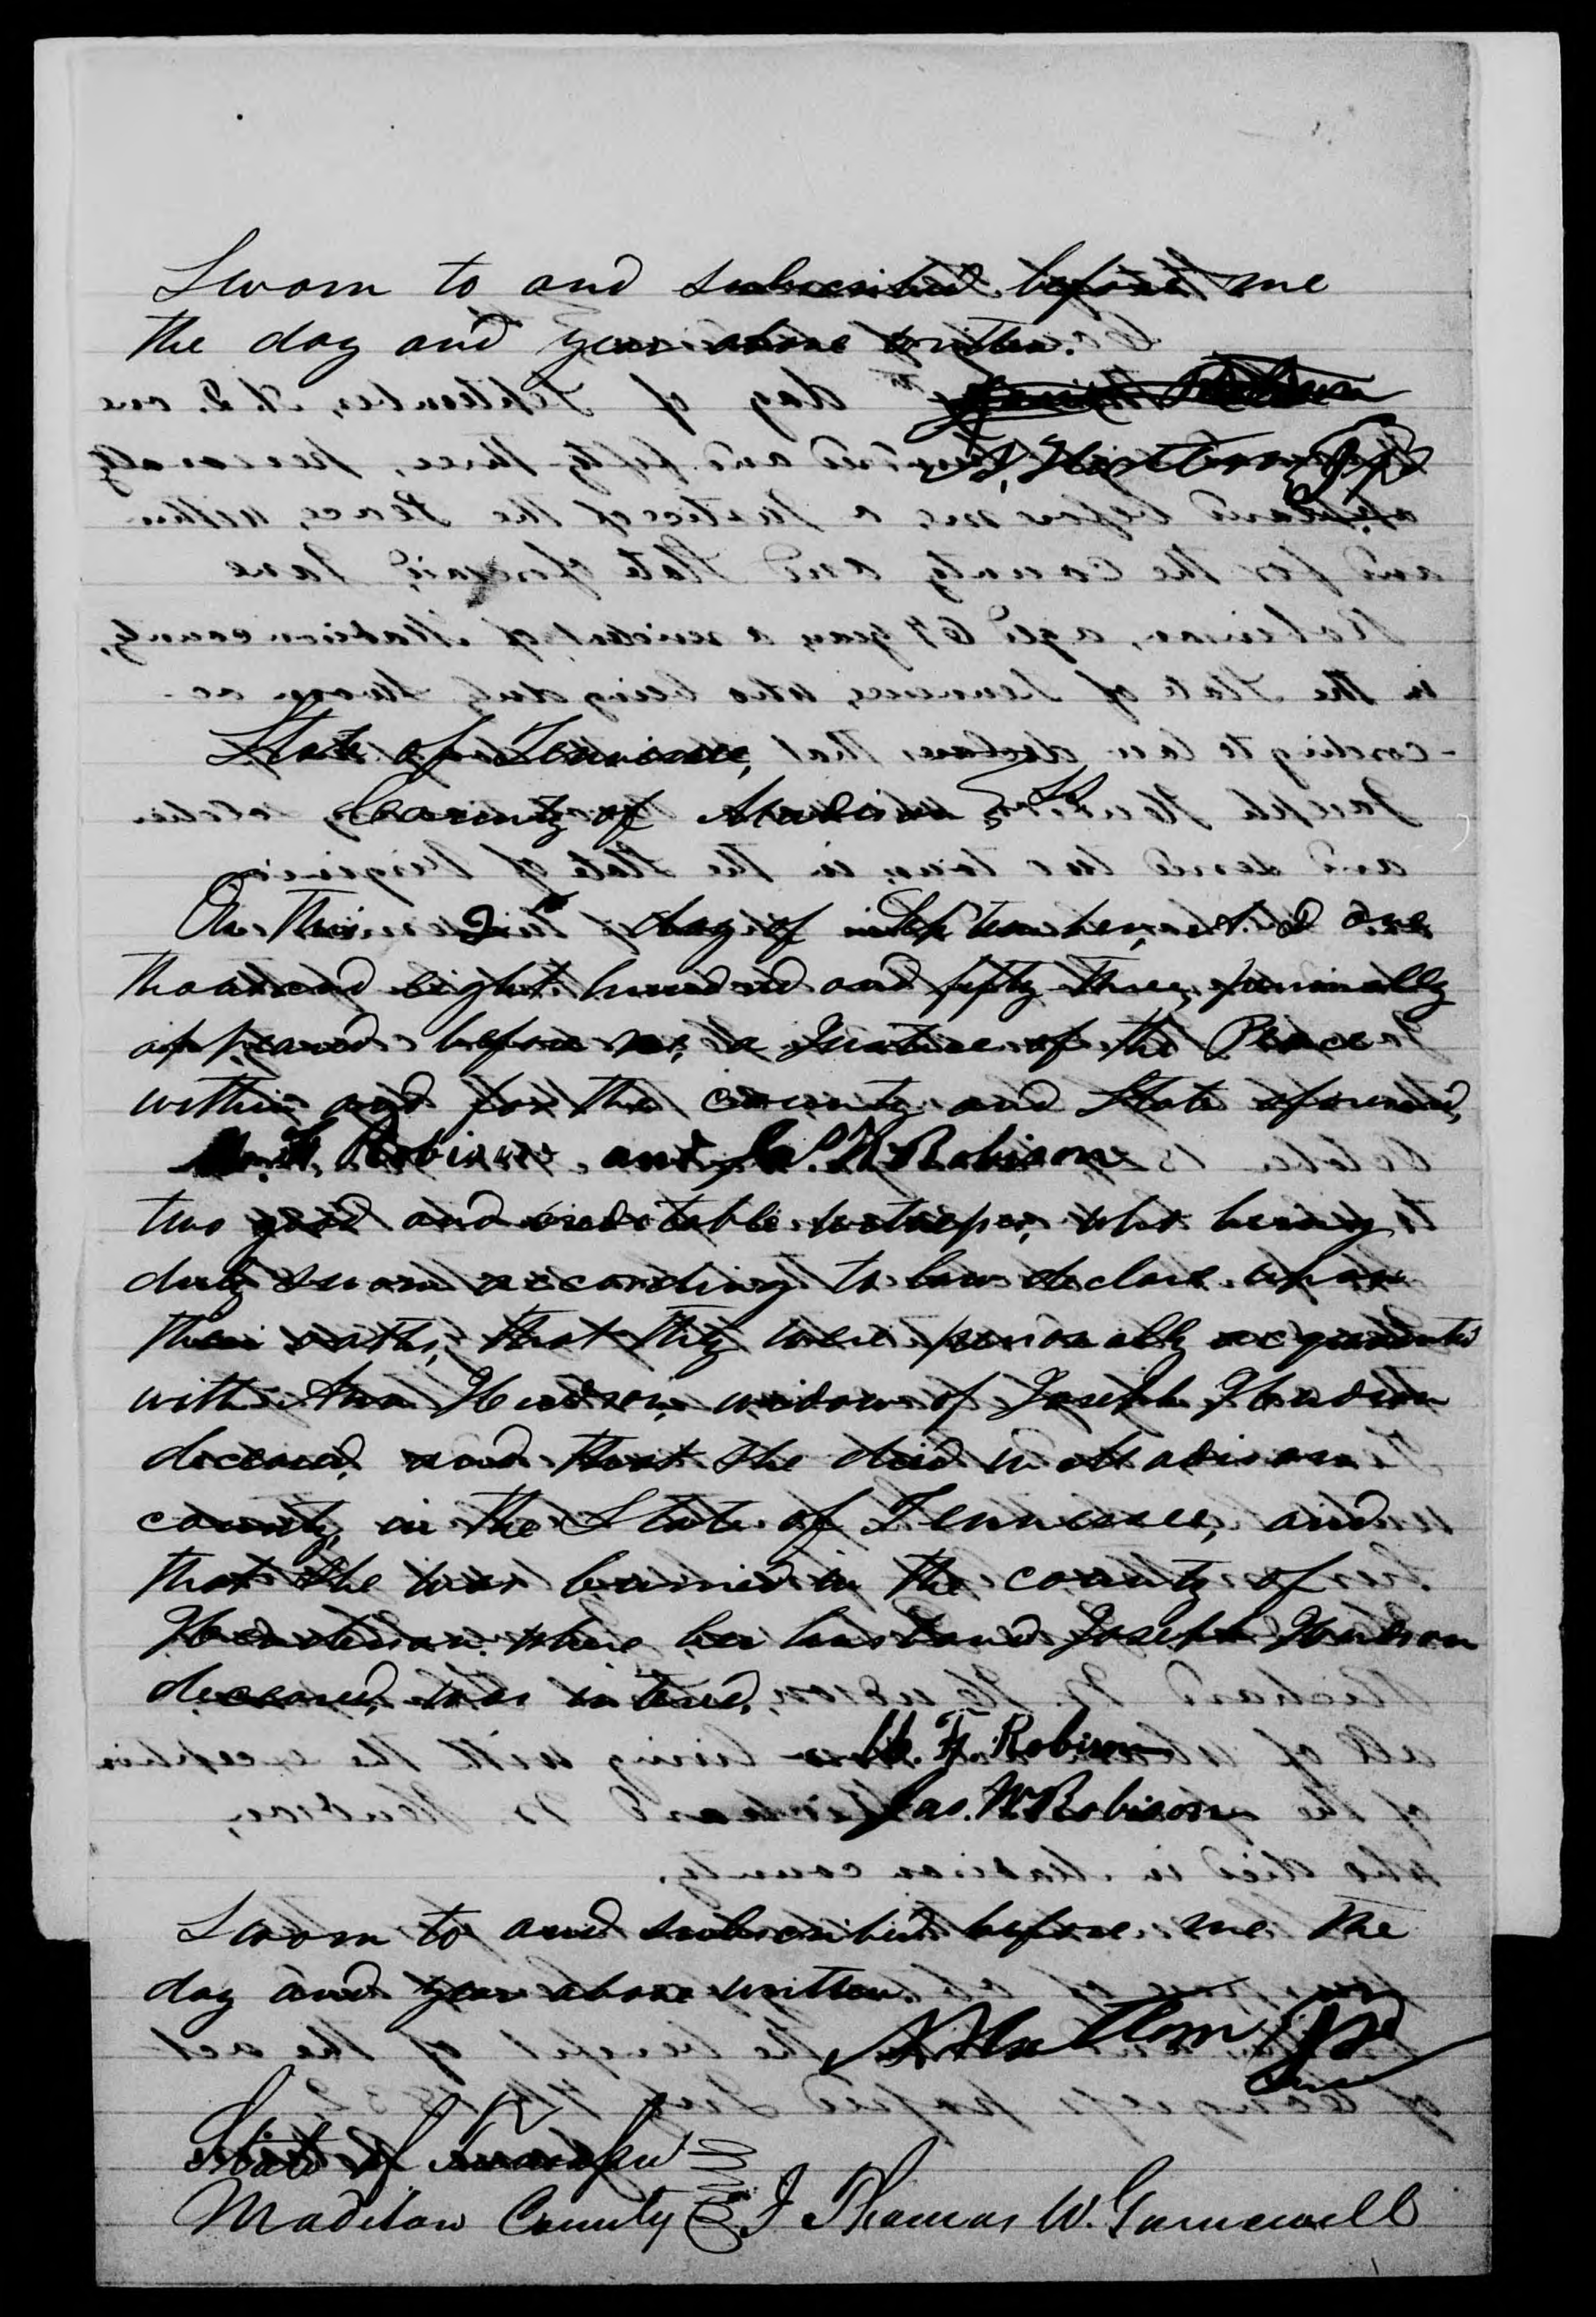[Transcriber note: this page apparently was written on the back of the previous page and their is significant ink bleed through that could affect the transcription.]

Sworn to and subscribed before me the day and year above written.
[signed] N Haltom

State of Tennessee
County of Madison
On this 2nd day of September A. D. one thousand eight hundred and fifty three formally appeared before me a Justice of the Peace within and for the county and Sate aforesaid M. F. Robison and James W. Robison two good and trustable witnesses that being duly sworn according to law declare upon their oath that they are personally acquainted with Ann Hudson widow of Joseph Hudson deceased and that he died in Madison County in the State of Tennessee, and that she was born in the county of Henderson where her husband Joseph Hudson was interred.
[signed] M. F. Robison
[signed] James W. Robison

Sworn to and subscribed before me the day and year above weitten.
[signed] N. Haltom

State of Tennessee
Madison County [signed] J Thomas W. Gamewell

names: Joseph Hudson, Thomas W Gamewell, M F Robison, Jas W Robison, Ann Hudson, N Haltom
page: 5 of 7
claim: rejected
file: R. 5325, Joseph Hudson, Va.